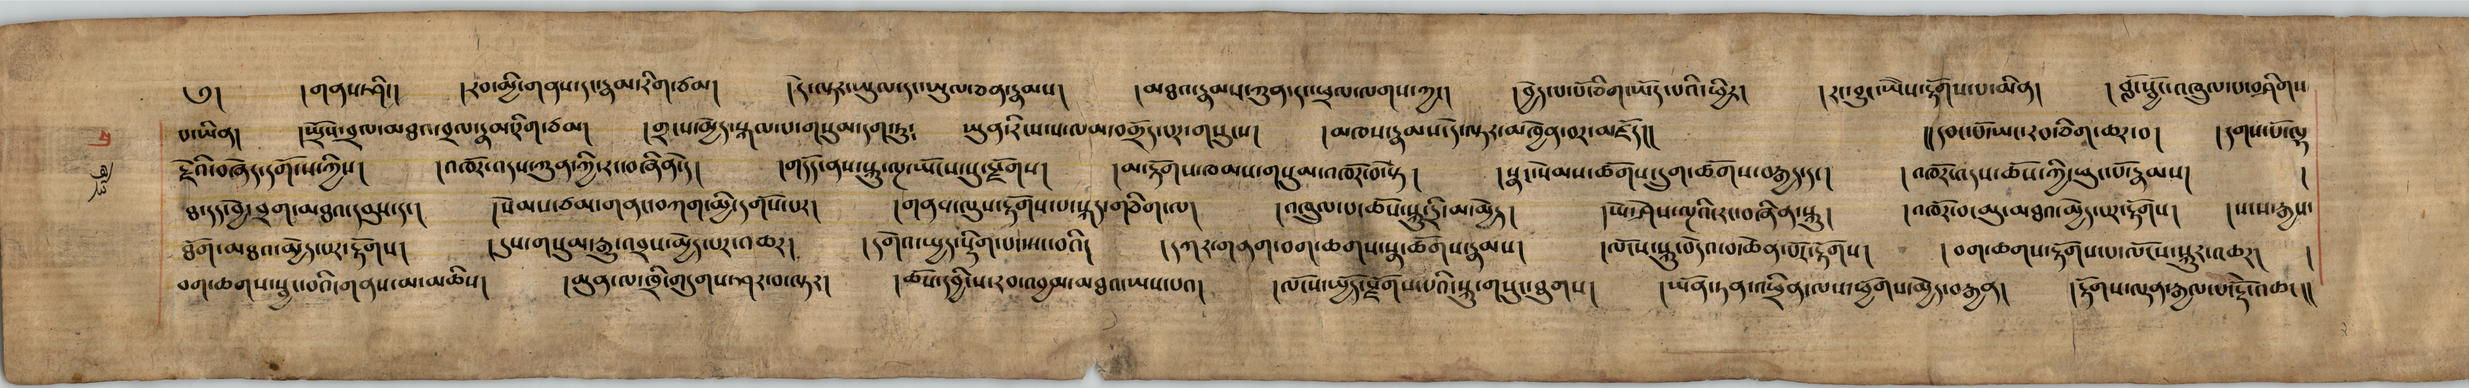༅། །།གནས་ཤིང། །རབ་མྱི་གནས་དང་རྣམ་རིག་ཙམ། །དེ་ལྟར་ཡུལ་དང་ཡུལ་ཅན་རྣམས། །མཐའ་རྣམས་ཀུན་དང་ཕྲལ་ལགས་ཀྱང། །བྱེད་པ་པོ་ཅིག་ཡོད་པའི་ཕྱིར། །རང་བྱུང་ཡཻས་རྟོགས་པ་མིན། །བློ་སྦྱོང་འཁྲུལ་པ་བཤིགས
པ་ཡིན། །སྤྲོས་བྲལ་མཐའ་བྲལ་རྣམ་རིག་ཙམ། །གྲངས་མྱེད་སྐལ་པ་གསུམ་དག་ཏུ༴ ཡུན་རིངས་ས་ལམ་བགྲོད་པར་གསུངས། །མཁས་རྣམས་དེ་ལྟར་མཁྱེན་བར་མཛོད།། །།དབང་པོ་ཡང་རབ་ཅིག་ཆར་བ། །དགས་པོ་ལྷ
རྗེའི་བཞེད་དགོངས་ཀྱིས། །འཁོར་འདས་ཀུན་ཀྱི་རང་བཞིན་དེ། །གདོད་ནས་སྐུ་ལྔ་ཡོངས་སུ་སྫོགས། །མ་རྟོགས་ཁམས་གསུམ་འཁོར་བ་སྟེ། །སྣང་སེམས་ཚོགས་དྲུག་ཚོགས་བརྒྱད་དང། །འཁོར་འདས་ཆོས་ཀྱི་ཕུང་པོ་རྣམས།
ཐ་དད་བྱེ་བྲག་མཐའ་དབུས་དང། །སེམས་ཙམ་གནང་བཀག་མྱི་དགོས་པར། །གནས་ལུས་རྟོགས་པ་སྐད་གཅིག་ལ། །འཁྲུལ་པ་ཆོས་སྐུ་དྲི་མ་མྱེད། །ཡེ་ཤེས་ལྔའི་རང་བཞིན་སྐུ། །འཁོར་བ་མུ་མཐའ་མྱེད་པར་རྟོགས། །སངས་རྒྱས་
ཐོག་མཐའ་མྱེད་པར་རྟོགས། །དུས་གསུམ་རྒྱུ་འབྲས་མྱེད་པར་འཆར། །དགེའ་སྤྱད་སྡིག་པ་ཡང་བའི། །དཀར་ནག་བག་ཆགས་སྣ་ཚོགས་རྣམས། །ལོངས་སྐུ་བདེའ་བ་ཆེན་པོར་རྟོགས། །བག་ཆགས་རྟོགས་པ་ལོངས་སྐུར་འཆར།
བག་ཆགས་སྦྱང་བའི་གནས་མ་མཆིས། །མུན་ལ་ཁྲི་གདུགས་ཤར་བ་ལྟར། །ཆོས་དབྱིངས་རབ་འབྱམ་མཐའ་ཡས་པའ། །ལོངས་སྤྱོད་སྫོགས་པའི་སྐུ་གསུང་ཐུགས། །ཡོན་ཏན་འཕྲིན་ལས་ཕྱོགས་མྱེད་བརྒྱན། །རྟོགས་ལྡན་རྒཡལ་པ་རྡོེ་འཆང།།